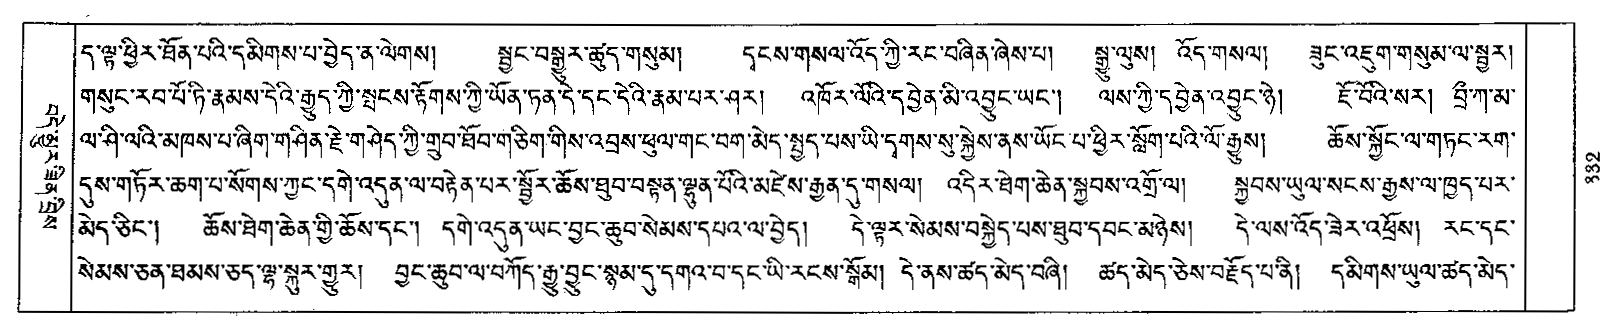ད་ལྟ་ཕྱིར་ཐོན་པའི་དམིགས་པ་བྱེད་ན་ལེགས། སྦྱང་བསྒྱུར་ཚུད་གསུམ། དྭངས་གསལ་འོད་ཀྱི་རང་བཞིན་ཞེས་པ། སྒྱུ་ལུས། འོད་གསལ། ཟུང་འཇུག་གསུམ་ལ་སྦྱར།
གསུང་རབ་པོ་ཏི་རྣམས་དེའི་རྒྱུད་ཀྱི་སྤངས་རྟོགས་ཀྱི་ཡོན་ཏན་དེ་དང་དེའི་རྣམ་པར་ཤར། འཁོར་ལོའི་དབྱེན་མི་འབྱུང་ཡང་། ལས་ཀྱི་དབྱེན་འབྱུང་ཉེ། ཇོ་བོའི་སར། བྲྀ་ཀ་མ་
ལ་ཤི་ལའི་མཁས་པ་ཞིག་གཤིན་རྗེ་གཤེད་ཀྱི་གྲུབ་ཐོབ་གཅིག་གིས་འབྲས་ཕུལ་གང་བག་མེད་སྤྱད་པས་ཡི་དྭགས་སུ་སྐྱེས་ནས་ཡོང་པ་ཕྱིར་སློག་པའི་ལོ་རྒྱུས། ཆོས་སྐྱོང་ལ་གཏང་རག་
དུས་གཏོར་ཆག་པ་སོགས་ཀྱང་དགེ་འདུན་ལ་བརྟེན་པར་སྦྱོར་ཆོས་ཐུབ་བསྟན་ལྷུན་པོའི་མཛེས་རྒྱན་དུ་གསལ། འདིར་ཐེག་ཆེན་སྐྱབས་འགྲོ་ལ། སྐྱབས་ཡུལ་སངས་རྒྱས་ལ་ཁྱད་པར་
མེད་ཅིང་། ཆོས་ཐེག་ཆེན་གྱི་ཆོས་དང་། དགེ་འདུན་ཡང་བྱང་ཆུབ་སེམས་དཔའ་ལ་བྱེད། དེ་ལྟར་སེམས་བསྐྱེད་པས་ཐུབ་དབང་མཉེས། དེ་ལས་འོད་ཟེར་འཕྲོས། རང་དང་
སེམས་ཅན་ཐམས་ཅད་ལྷ་སྐུར་གྱུར། བྱང་ཆུབ་ལ་བཀོད་རྒྱུ་བྱུང་སྙམ་དུ་དགའ་བ་དང་ཡི་རངས་སྒོམ། དེ་ནས་ཚད་མེད་བཞི། ཚད་མེད་ཅེས་བརྗོད་པ་ནི། དམིགས་ཡུལ་ཚད་མེད་